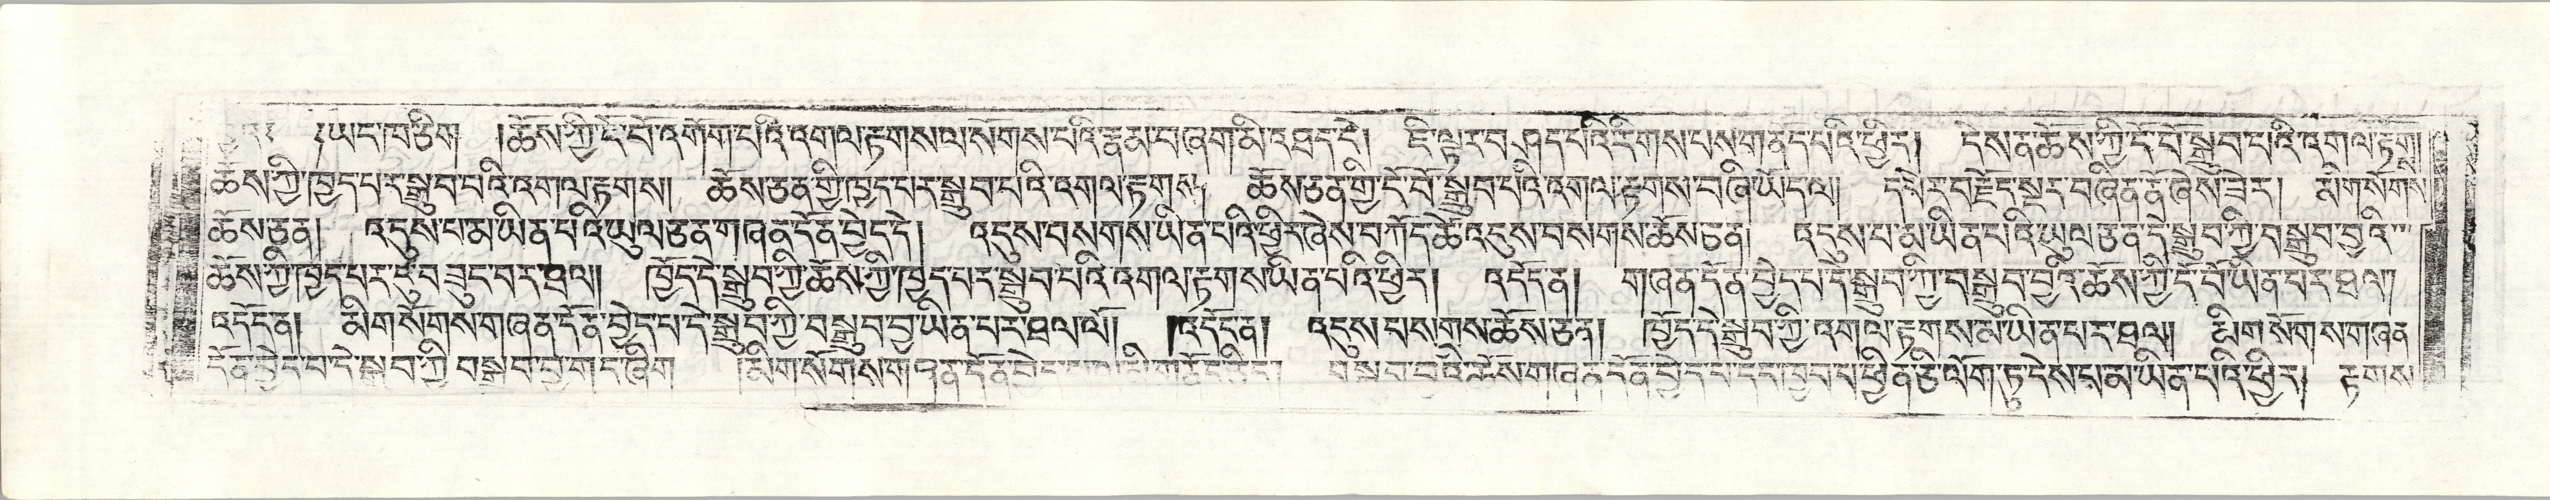བྱའོ། །ཡང་ཁ་ཅིག །ཆོས་ཀྱི་ངོ་བོ་འགོག་པའི་འགལ་རྟགས་ལ་སོགས་པའི་རྣམ་བཞག་མི་འཐད་དེ། ཇི་ལྟར་བཤད་པའི་རིགས་པས་གནོད་པའི་ཕྱིར། དེས་ན་ཆོས་ཀྱི་ངོ་བོ་སྒྲུབ་པའི་འགལ་རྟགས།
ཆོས་ཀྱི་ཁྱད་པར་སྒྲུབ་པའི་འགལ་རྟགས། ཆོས་ཅན་གྱི་ཁྱད་པར་སྒྲུབ་པའི་འགལ་རྟགས། ཆོས་ཅན་གྱི་ངོ་བོ་སྒྲུབ་པའི་འགལ་རྟགས་བཞི་ཡོད་ལ། དཔེར་བརྗོད་སྔར་བཞིན་ནོ། །ཞེས་ཟེར། མིག་སོགས་
ཆོས་ཅན། འདུས་པ་མ་ཡིན་པའི་ཡུལ་ཅན་གཞན་དོན་བྱེད་དེ། འདུས་བསགས་ཡིན་པའི་ཕྱིར་ཞེས་བཀོད་ཚེ་འདུས་བསགས་ཆོས་ཅན། འདུས་པ་མ་ཡིན་པའི་ཡུལ་ཅན་དེ་སྒྲུབ་ཀྱི་བསྒྲུབ་བྱའི་
ཆོས་ཀྱི་ཁྱད་པར་དུ་བཟུང་བར་ཐལ། ཁྱོད་དེ་སྒྲུབ་ཀྱི་ཆོས་ཀྱི་ཁྱད་པར་སྒྲུབ་པའི་འགལ་རྟགས་ཡིན་པའི་ཕྱིར། འདོད་ན། གཞན་དོན་བྱེད་པ་དེ་སྒྲུབ་ཀྱི་བསྒྲུབ་བྱའི་ཆོས་ཀྱི་ངོ་བོ་ཡིན་པར་ཐལ།
འདོད་ན། མིག་སོགས་གཞན་དོན་བྱེད་པ་དེ་སྒྲུབ་ཀྱི་བསྒྲུབ་བྱ་ཡིན་པར་ཐལ་ལོ། །འདོད་ན། འདུས་བསགས་ཆོས་ཅན། ཁྱོད་དེ་སྒྲུབ་ཀྱི་འགལ་རྟགས་མ་ཡིན་པར་ཐལ། མིག་སོགས་གཞན་
དོན་བྱེད་པ་དེ་སྒྲུབ་ཀྱི་བསྒྲུབ་བྱ་གང་ཞིག །མིག་སོགས་གཞན་དོན་བྱེད་པ་ལ་མི་གནོད་ཅིང་། བསྒྲུབ་བྱའི་ཆོས་གཞན་དོན་བྱེད་པ་དང་ཁྱབ་པ་ཕྱིན་ཅི་ལོག་ཏུ་ངེས་པ་མ་ཡིན་པའི་ཕྱིར། རྟགས་